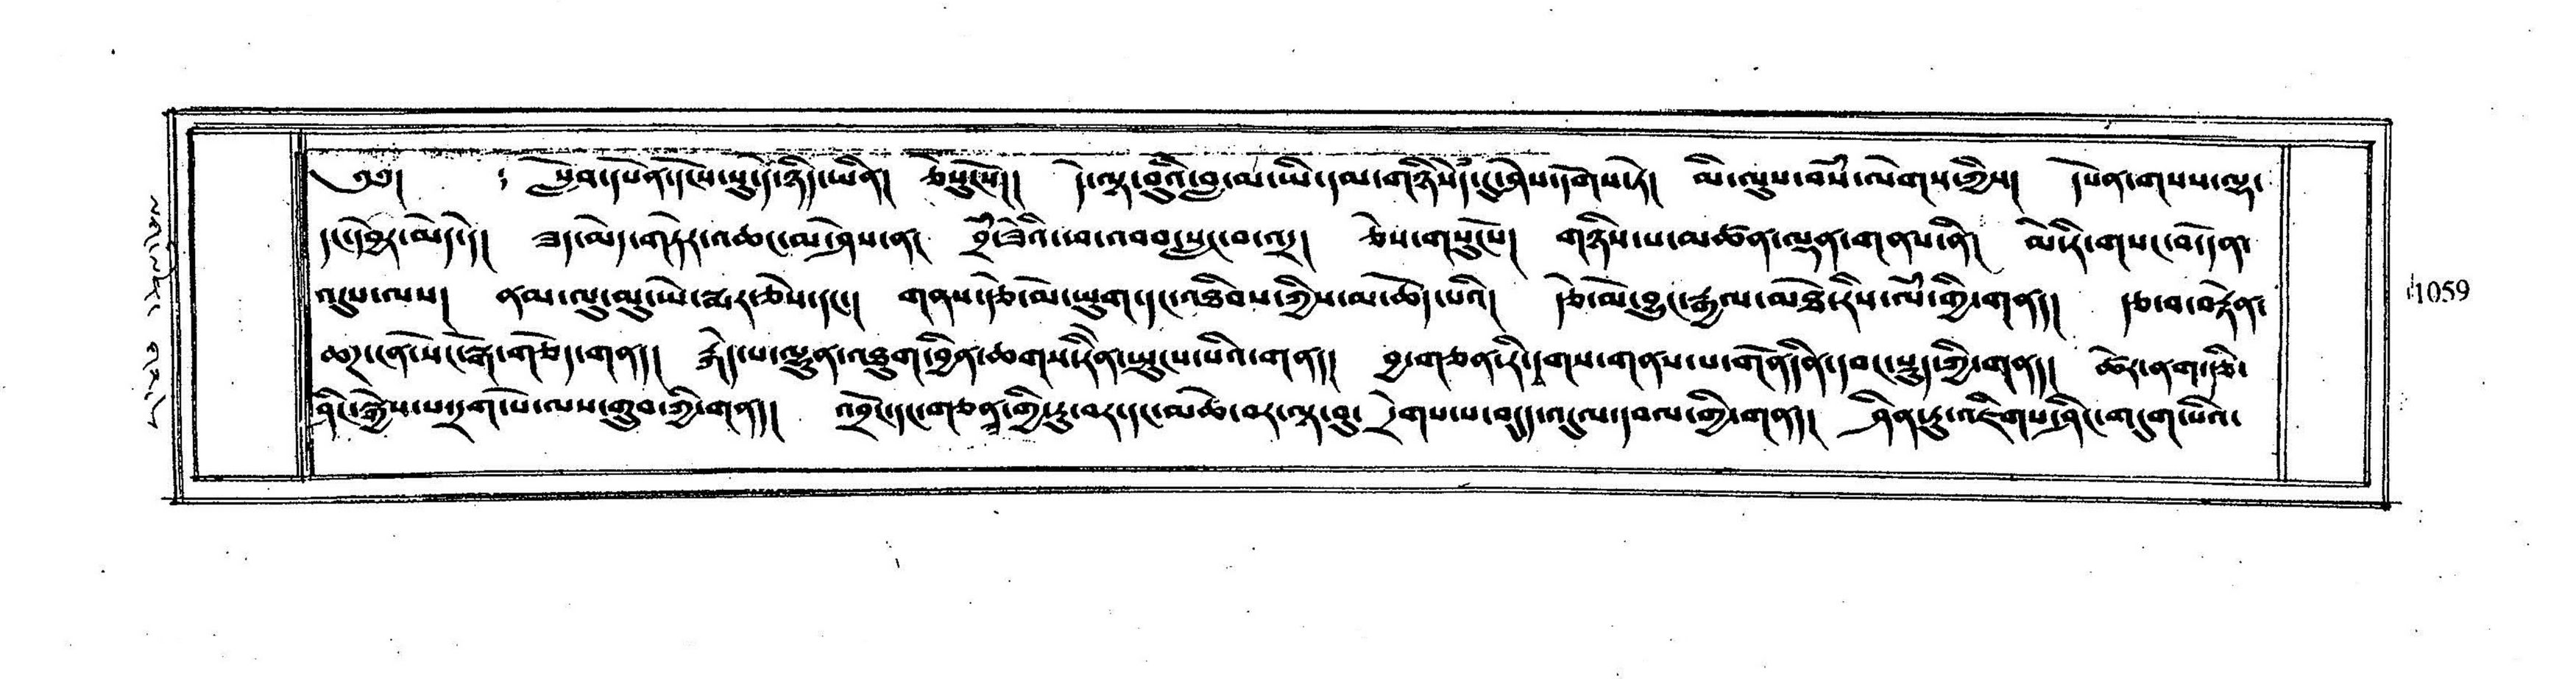སློབ་དཔོན་དངོས་སུ་དེ་ཉིད་ཡིན། ཅེས་གསུངས་སོ།། དེ་ལྟ་བུའི་བླ་མ་ཡི་དམ་གཉིས་མེད་དུ་ཤེས་དགོས་ཏེ། མི་ལུས་བསམ་ལེགས་ཀྱིས། དཔོན་གསས་ལྷ་
དང་དབྱེར་མེད་དེ། ཟད་མེད་གཏེར་འཆང་མ་ཤེས་ན། བྲཾ་ཟེའི་ཕ་འབབ་སླང་བ་འདྲ། ཅེས་གསུངས་སོ། གཉིས་པ་མཚན་ལྡན་གནས་ནི། མེ་རི་གསང་བ་དོན་
འདུས་ལས། ནམ་ལུ་མུ་ཡེ་སྨར་ཅེས་དང་། གནས་རྩེ་མོ་ཡུག་དང་འཐིབས་ཀྱིས་མ་ཆོད་པའི། རྩེ་མོ་བྱུང་རྒྱལ་མཐེ་རིས་ལམ་གྱི་གནད། རྩ་བ་བརྟེན་
ཆགས་ངན་སོང་སྒོ་གཅོད་གནད། རྐེད་པ་ལྷུན་འཐུག་བྱིན་ཆགས་རིན་ཆེན་སྤུངས་པའི་གནད། བྱ་གཅན་རི་དྭགས་གནས་པ་གནོད་སྦྱིན་དབང་སྡུད་ཀྱི་གནད། ཚེར་ནག་རྩི་
ཤིང་སྐྱེས་པ་དྲག་པོ་ལས་གྲུབ་ཀྱི་གནད། འབྲོང་དང་གཅན་ཟན་གྱི་རུ་བར་དང་མཆེ་བར་ལྟ་བུ་དྲེགས་པ་བདུད་འདུལ་དབལ་གྱི་གནད། ཤིན་ཏུ་འཇིགས་ཤིང་གདུག་པའི་